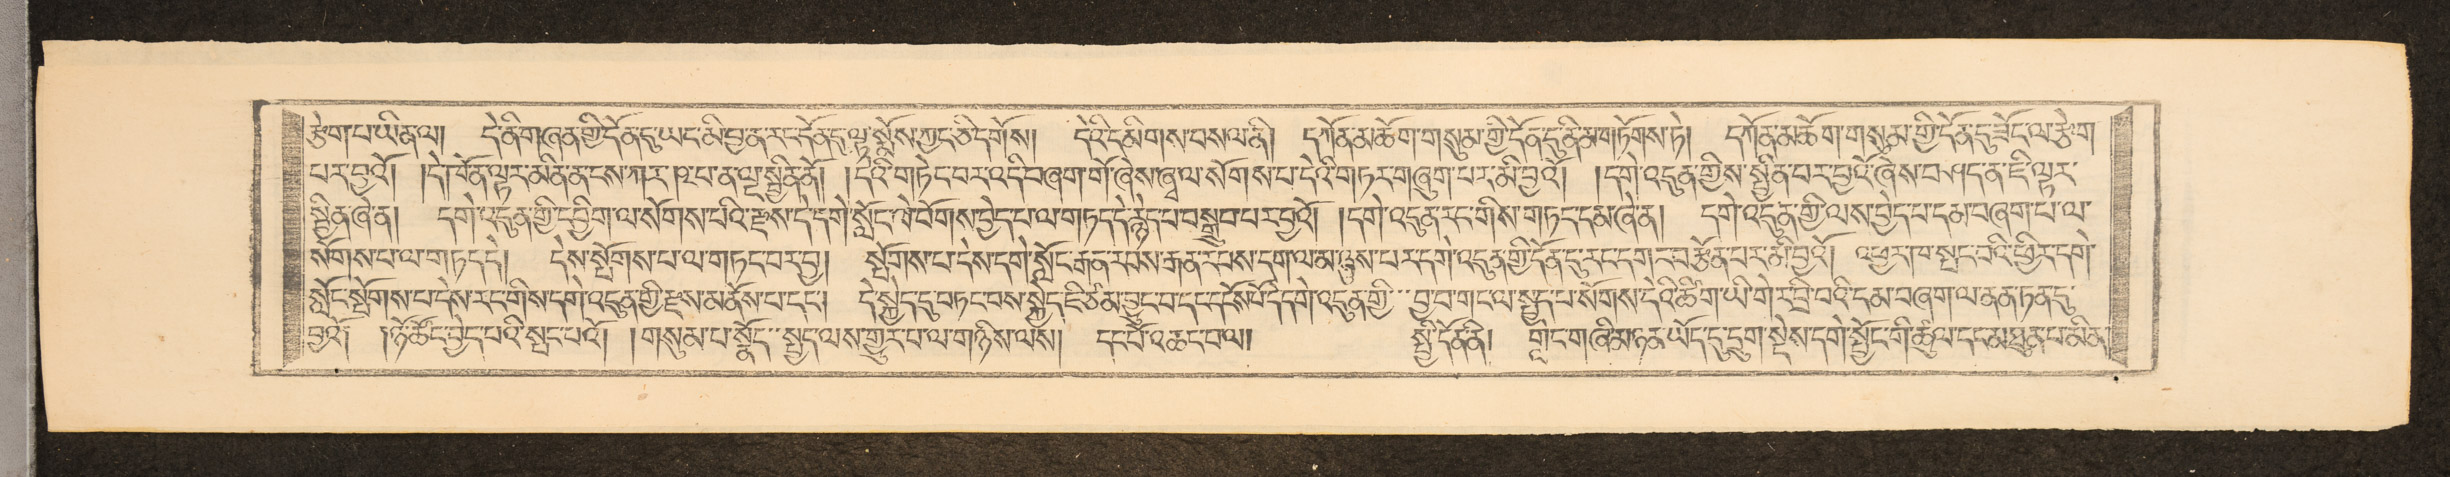རྩེག་པ་ཡིན་ལ། དེ་ནི་གཞན་གྱི་དོན་དུ་ཡང་མི་བྱ་ན་རང་དོན་དུ་ལྟ་སྨོས་ཀྱང་ཅི་དགོས། དེའི་དམིགས་བསལ་ནི། དཀོན་མཆོག་གསུམ་གྱི་དོན་དུ་ནི་མ་གཏོགས་ཏེ། དཀོན་མཆོག་གསུམ་གྱི་དོན་དུ་ཟོད་ལ་རྩེག་
པར་བྱའོ། །དེ་ཁོ་ན་ལྟར་མིན་ན་ངས་ཀར་ཥ་པ་ན་ལྔ་སྦྱིན་ནོ། །དེའི་གཏེར་པར་འདི་བཞག་གོ་ཞེས་ཞྭ་ལ་སོགས་པ་དེའི་གཏར་གཞུག་པར་མི་བྱའོ། །དགེ་འདུན་གྱིས་སྦྱིན་པར་བྱའོ་ཞེས་བཤད་ན་ཇི་ལྟར་
སྦྱིན་ཞེ་ན། དགེ་འདུན་གྱི་དབྱིག་ལ་སོགས་པའི་རྫས་དེ་དགེ་སློང་ཁེ་བོགས་བྱེད་པ་ལ་གཏད་དེ་རྙེད་པ་བསྒྲུབ་པར་བྱའོ། །དགེ་འདུན་རང་གིས་གཏད་དམ་ཞེ་ན། དགེ་འདུན་གྱི་ལས་བྱེད་པ་དམ་བཞག་པ་ལ་
སོགས་པ་ལ་གཏད་དེ། དེས་སྤོགས་པ་ལ་གཏད་པར་བྱ། སྤོགས་པ་དེས་དགེ་སློང་རྒན་རབས་རྒན་རབས་དག་ལམ་ཞུས་པར་དགེ་འདུན་གྱི་དོན་དུ་རང་དགར་བརྩོན་པར་མི་བྱའོ། འཕྱར་ཁ་སྤང་བའི་ཕྱིར་དགེ་
སློང་སྤོགས་པ་དེས་རང་གིས་དགེ་འདུན་གྱི་རྫས་མནོས་པ་དང་། དེ་སྐྱེད་དུ་བཏང་བས་སྐྱེད་ཇི་ཙམ་བྱུང་བ་དང་དངོས་པོ་དེ་དགེ་འདུན་གྱི་བྱ་བ་གང་ལ་སྤྱད་པ་སོགས་དེའི་ཚིག་ཡི་གེར་བྲི་བའི་དམ་བཞག་ལ་ནན་ཏན་དུ་
བྱའོ༑ །ཉོ་ཚོང་བྱེད་པའི་སྤང་པའོ། །གསུམ་པ་སྣོད་སྤྱད་ལས་གྱུར་པ་ལ་གཉིས་ལས། དང་པོ་འཆང་བ་ལ། སྤྱི་དོན་ནི། གླེང་གཞི་མཉན་ཡོད་དུ་དྲུག་སྡེས་དགེ་སྦྱོང་གི་ཚུལ་དང་མཐུན་པ་མིན་